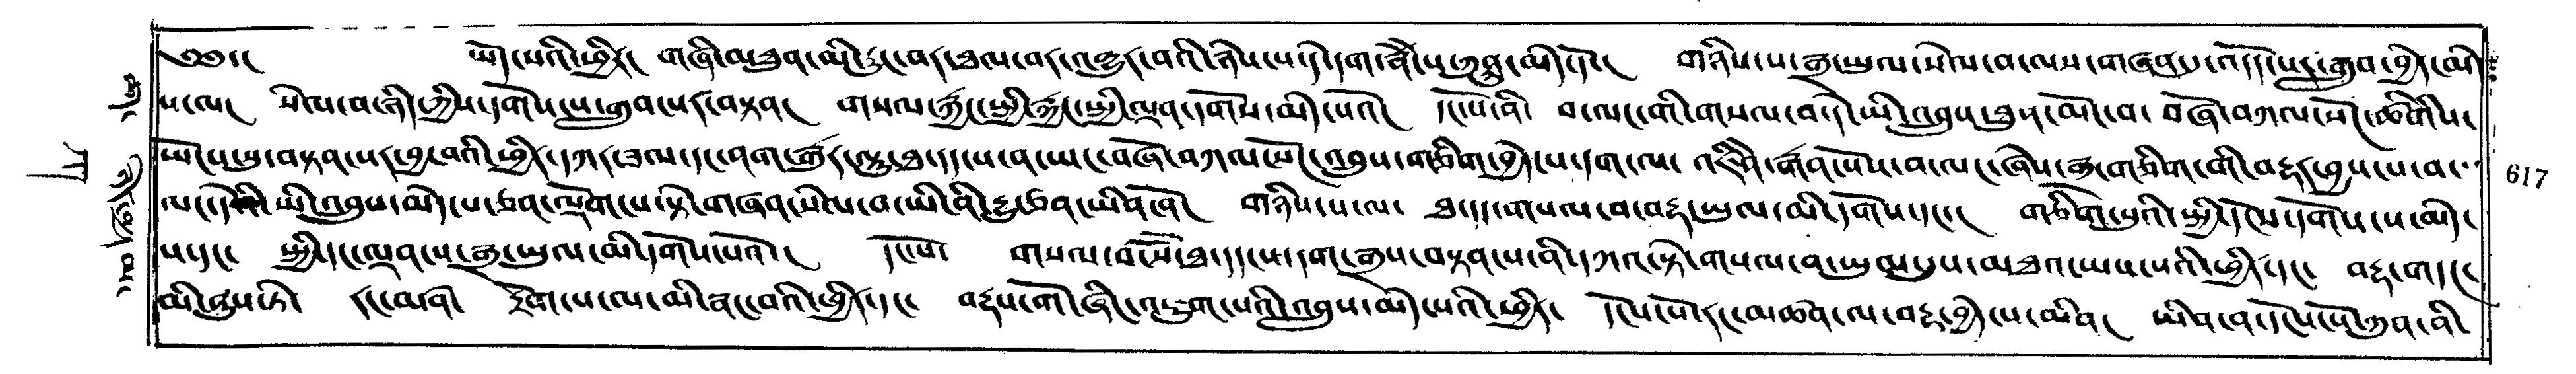ཡོད་པའི་ཕྱིར། གཞི་མཐུན་མི་རུང་བར་ཐལ་བར་འགྱུར་བའི་ཉེས་པ་དེ་དག་རྣམ་པ་ཀུན་ཏུ་མེད་དོ།། གཉིས་པ་སྒྲ་ཡུལ་སེལ་བ་ལས་གཞན་དུ་འདོད་པར་སྒྲུབ་བྱེད་མེད་
པ་ལ། སེལ་བ་ཉིད་ཀྱིས་དགོས་པ་སྒྲུབ་པར་བསྟན། །གསལ་རྐྱང་སྤྱི་རྐྱང་སྤྱི་ལྡན་དགོས་མེད་པའོ། །དང་པོ་ནི། བ་གླང་གི་གསལ་བ་དེ་ཡིས་འབྲས་བུ་ཐུན་མོང་བ་བཞོ་བཀལ་སོགས་ཚིག་གིས་
ཡོངས་སུ་བསྟན་པར་བྱ་བའི་ཕྱིར་དཀར་ཟལ་དང་ནག་རྒུར་ལྟ་བུ་ཐ་དད་པ་ན་ཡང་བཞོ་བཀལ་སོགས་འབྲས་བུ་གཅིག་བྱེད་པ་དག་ལ་འཇིག་རྟེན་རྒན་པོས་བ་ལང་ཞེས་སྒྲ་གཅིག་གི་བརྡར་བྱས་པ་བ་
ལང་དེ་ཡི་འབྲས་བུ་མེད་པ་ཅན་ལྡོག་པ་སྟེ་གཞན་སེལ་བ་ཡི་ནི་རྒྱུ་ཅན་ཡིན་ནོ།། གཉིས་པ་ལ། ཐ་དད་གསལ་བ་བརྡ་ཡུལ་མི་དགོས་དང། །གཅིག་པུའི་སྤྱི་དངོས་དགོས་པ་མེད་
པ་དང་། །སྤྱི་དང་ལྡན་པ་སྒྲ་ཡུལ་མི་དགོས་པའོ། །དང་པོ། གསལ་བ་སོ་སོ་ཐ་དད་པ་དག་སྒྲས་བསྟན་པ་ནི་དཀའ་སྟེ་གསལ་ན་ཡུལ་དུས་མཐའ་ཡས་པའི་ཕྱིར་དང་། བརྡར་གདགས་
མི་ནུས་ཏེ། རང་མཚན་རྟོག་པ་ལ་མི་སྣང་བའི་ཕྱིར་དང་། བརྡས་གོ་ཞིང་འཇུག་པའི་འབྲས་བུ་མེད་པའི་ཕྱིར། དངོས་པོ་རང་མཚན་ལ་བརྡ་བྱེད་པ་མིན། ཡིན་ན་དངོས་པོ་ཀུན་ནི་